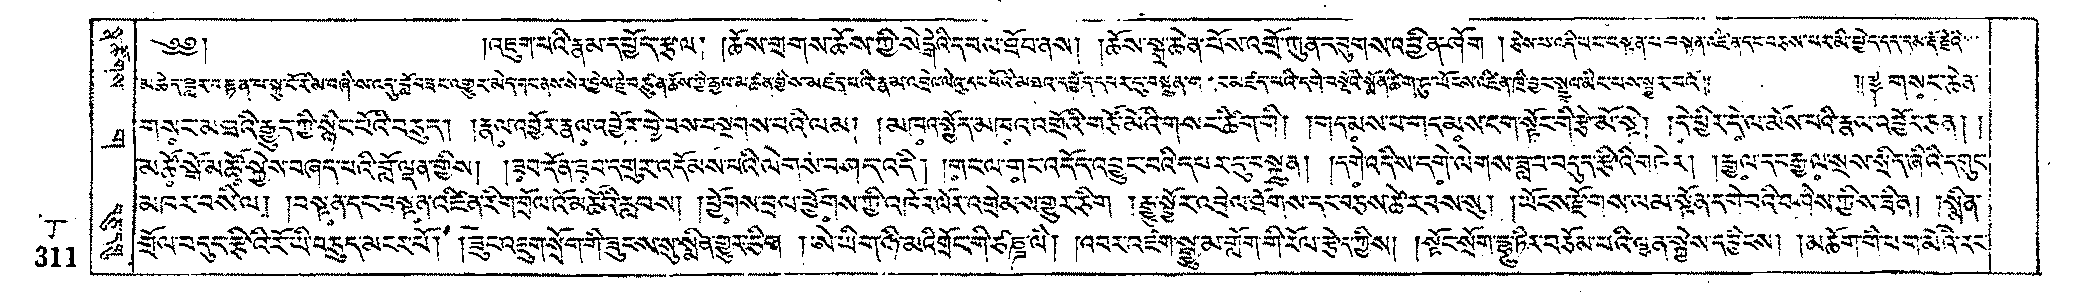༄༅། །འཇུག་པའི་རྣམ་དཔྱོད་རྩལ། །ཆོས་གྲགས་ཆོས་ཀྱི་སེངྒེའི་དཔལ་ཐོབ་ནས། །ཆོས་སྒྲ་ཆེན་པོས་འགྲོ་ཀུན་དབུགས་འབྱིན་ཤོག །ཅེས་པ་འདི་ཡང་བསྟན་པ་བསྟན་འཛིན་དང་བཅས་པར་མི་ཕྱེད་དད་དམ་རྡོ་རྗེའི་་་
མཆེད་ཟླར་བརྟན་པ་སྐུ་ངོ་རིམ་བཞི་ས་འདུ་བློ་བཟང་འགྱུར་མེད་གང་ནས་སེར་བྱེས་རྗེ་བཙུན་ཆོས་ཀྱི་རྒྱལ་མཚན་གྱིས་མཛད་པའི་རྣམ་འགྲེལ་ལེའུ་དང་པོའི་མཐའ་དཔྱོད་དཔར་དུ་བསྐྲུན་གནང་མཛད་པའི་དགེ་བསྔོའི་སྨོན་ཚིག་ཏུ་ཡོངས་འཛིན་ཁྲི་བྱང་སྤྲུལ་མིང་པས་སྦྱར་བའོ།། །། འ་གསང྾་ཆེན་
གསང྾་མཐའི་རྒྱུད་ཀྱི་སྙིང་པོའི་བཅུད། །རྣལ྾་འབྱོར་རྣལ྾་འབྱོར་བྱེ་བས་བསྔགས་པའི་ལམ། །མཁའ྾་སྤྱོད་མཁའ྾་འགྲོའི་གཙོ་མོའི་གསང་ཚིག་གི། །གདམས྾་པ་གདམས྾་ངག་སྟོང་གི་རྩེ་མོ་སྟེ། །དེ྾་ཕྱིར་དེ྾་ལ་མོས་པའི་རྣལ་འབྱོར་ཅན། །
མཚོ྾་སྒོ་མཚོ྾་སྐྱེས་བཞད་པའི་བློ་ལྡན་གྱིས། །ཟབ྾་དོན་ཟབ྾་དགུར་འདོམས་པའི་ལེགས་བཤད་འདི། །གང྾་ལ་གང྾་འདོད་འབྱུང་བའི་དཔར་དུ་བསྐྲུན། །དགེ྾་འདིས་དགེ྾་ལེགས་ཟླ་བ་བདུད་རྩིའི་གཏེར། །རྒྱལ྾་དང་རྒྱལ྾་སྲས་སྲིད་ཞིའི་དགུང་
མཁར་བསིལ། །བསྟན྾་དང་བསྟན྾་འཛིན་རིག་གྲོལ་འོ་མཚོའི་རླབས། །ཕྱོགས྾་བྲལ་ཕྱོགས྾་ཀྱི་འཁོར་ལོར་འགྲེམས་གྱུར་ཅིག །རྒྱུ་སྦྱོར་འབྲེལ་ཐོགས་དང་བཅས་ཚེ་རབས་སུ། །ཡོངས་རྫོགས་ལམ་སྟོན་དགེ་བའི་བཤེས་ཀྱིས་ཟིན། །སྨིན་
གྲོལ་བདུད་རྩིའི་རོ་ཡི་བཅུད་མངར་པོ། །ཟུང་འཇུག་སྲོག་གི་ཟུངས་སུ་སྨིན་གྱུར་ཅིག །ཨེ་ཡིག་ཉི་མའི་གྲོང་གི་ཙཎྜ་ལི། །འབར་འཛག་སྒྱུ་མ་གློག་གི་རོལ་རྩེད་ཀྱིས། །སྟོང་སྲོག་དྷཱུ་ཏིར་བཅོམ་པའི་ལྷན་སྐྱེས་དབྱིངས། །མཆོག་གི་ཕག་མོའི་རང་